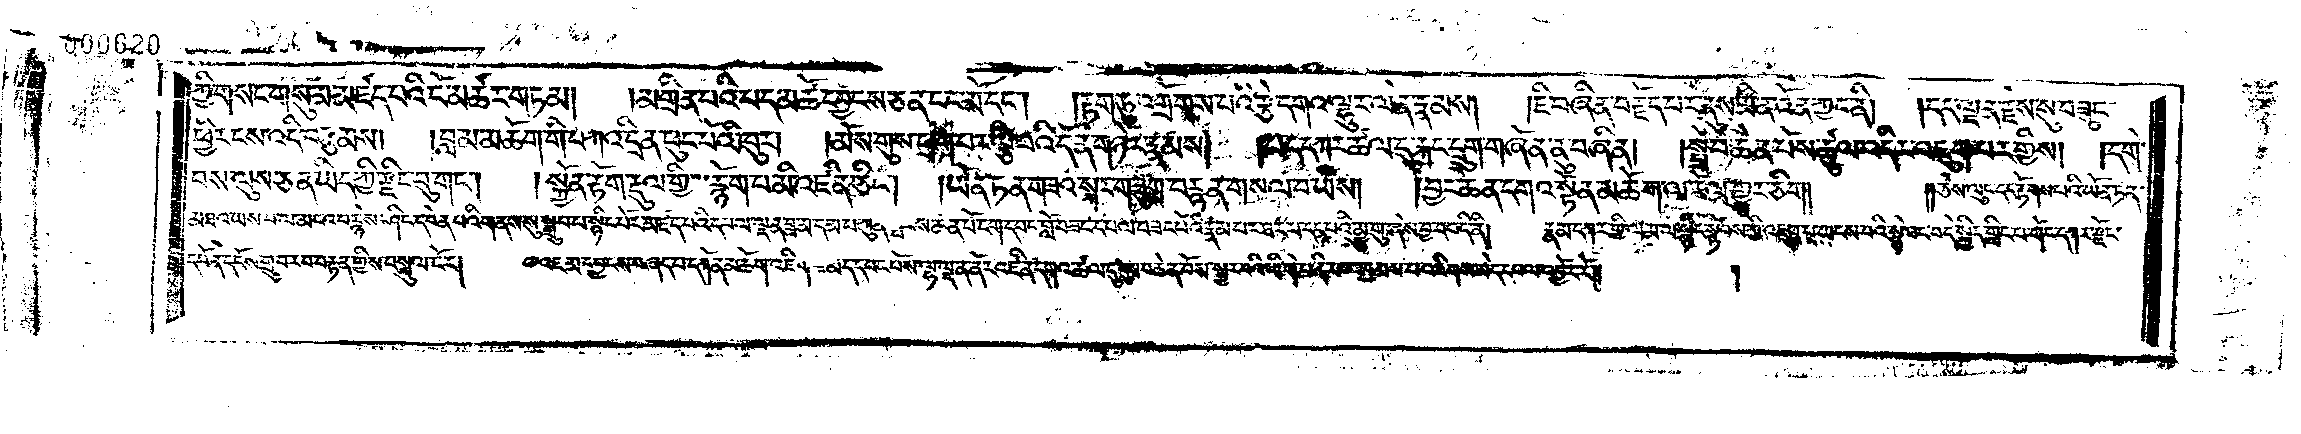ཀྱི་གསང་གསུམ་མཛད་པའི་ངོ་མཚར་གཏམ། །མགྲིན་པའི་པད་མཚོ་དབྱངས་ཅན་ངང་མོ་དང་། །རྟག་ཏུ་འགྲོགས་པའི་རྩེ་དགའ་ལྷུར་ལེན་རྣམས། །ཇི་བཞིན་བརྗོད་པར་ནུས་མིན་འོན་ཀྱང་ནི། །དད་ལྡན་རྗེས་སུ་བཟུང་
ཕྱིར་ངས་འདི་བརྩམས། །བླ་མ་མཆོག་གི་བཀའ་དྲིན་ཕུང་པོའི་ཁུར། །མོས་གུས་ཕྲག་པར་ལྕི་བའི་དོན་གཉེར་རྣམས། །པད་དཀར་ཚལ་དུ་རྐང་དྲུག་གཞོན་ནུ་བཞིན། །སྤྲོ་བ་ཆེན་པོས་ཚུལ་འདིར་འཇུག་པར་གྱིས། །དགེ་
བས་ལུས་ཅན་ཡིད་ཀྱི་རྫིང་བུ་གང་། །སྐྱོན་རྟོག་རྡུལ་གྱི་རྙོག་པ་མི་འཛིན་ཅིང་། །ཡོན་ཏན་གཟའ་སྐར་གཟུགས་བརྙན་གསལ་བ་ཡིས། །བྱང་ཆེན་དགའ་སྟོན་མཆོག་ལ་རོལ་གྱུར་ཅིག། །།ཅེས་ལུང་དང་རྟོགས་པའི་ཡོན་ཏན་
མཐའ་ཡས་པ་ལ་མངའ་བརྙེས་ཤིང་དབེན་པའི་གནས་སུ་སྒྲུབ་པ་སྙིང་པོར་མཛད་པའི་དཔལ་ལྡན་བླ་མ་དམ་པ་ཀུན་སྤངས་ཆེན་པོ་ངག་དབང་བློ་བཟང་དཔལ་བཟང་པོའི་རྣམ་པར་ཐར་པ་དད་པའི་མྱུ་གུ་ཞེས་བྱ་བ་འདི་ནི། རྣམ་དཀར་གྱི་ལམ་ལ་སྙིང་སྟོབས་ཀྱི་འཇུག་པ་ཡངས་པའི་སྙེ་བད་བདེ་སྐྱིད་གླིང་པ་གོང་དཀར་རྫོང་
དཔོན་དངོས་གྲུབ་རབ་བརྟན་གྱིས་བསྐུལ་ངོར། ༧་འཇམ་དབྱངས་བཞད་པ་དཀོན་མཆོག་འཇིགས་མེད་དབང་པོས་ལྷ་ལྡན་ནོར་འཛིན་དགའ་ཚལ་དུ་གུས་པ་ཆེན་པོས་སྦྱར་བའི་ཡི་གེ་པ་ནི་རབ་འབྱམས་པ་འཇིགས་མེད་དཔལ་འབྱོར་རོ།། །།